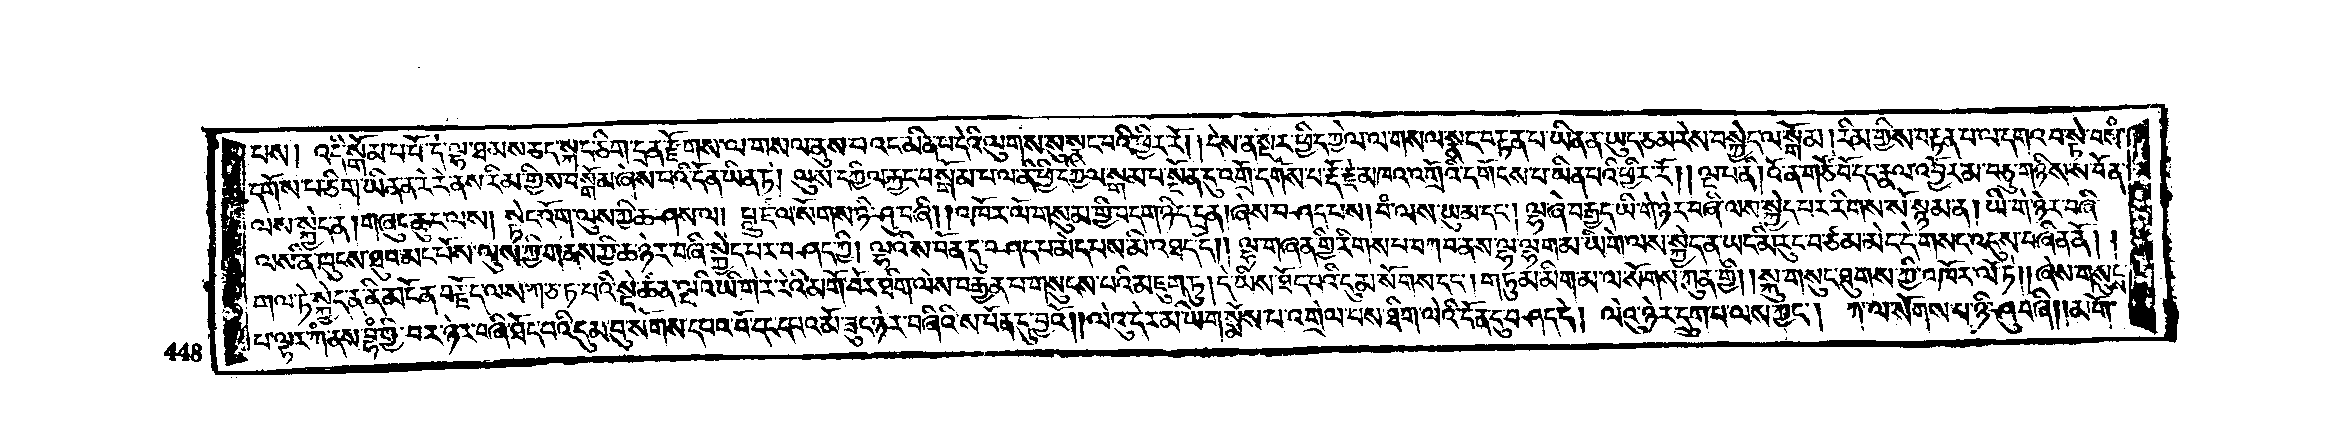པས། འདི་སྒོམ་པ་པོ་དེ་ལྷ་ཐམས་ཅད་སྐད་ཅིག་དྲན་རྫོགས་ལ་གསལ་ནུས་པའང་མིན་པ་དེའི་ལུགས་སུ་སྣང་བའི་ཕྱིར་རོ། །དེས་ན་སྔར་ཕྱི་དཀྱིལ་ལ་གསལ་སྣང་བ་རྟན་པ་ཡིན་ན་ཡུད་ཙམ་རེས་བསྐྱེད་ལ་སྒོམ། རིམ་གྱིས་བརྟན་པ་ལ་དགའ་བ་སྟེ་བསམ་
དགོས་པ་ཅིག་ཡིན་ན་རེ་རེ་ནས་རིམ་གྱིས་བསྒོམ་ཞེས་པའི་དོན་ཡིན་ཏེ། ལུས་དཀྱིལ་རྐྱང་པ་སྒོམ་པ་ལ་ནི་ཕྱི་དཀྱིལ་སྒོམ་པ་སྔོན་དུ་འགྲོ་དགོས་པ་རྡོ་རྗེ་མཁའ་འགྲོའི་དགོངས་པ་ཡིན་པའི་ཕྱིར་རོ། །ལྔ་པ་ནི། འོ་ན་གཙོ་བོ་དང་རྣལ་འབྱོར་མ་བཅུ་གཉིས་ས་བོན་
ལས་སྐྱེད་ན། གཞུང་ཆུང་ལས། སྟེང་འོག་ལུས་ཀྱི་ཆ་ཤས་ལ། པཱུ་ཛ་ལ་སོགས་ཉི་ཤུ་བཞི། །འཁོར་ལོ་གསུམ་གྱི་བདག་ཉིད་དྲན། ཞེས་བཤད་པས། བཾ་ལས་ཡུམ་དང་། ལྷ་ཞེས་བརྒྱད་ཡི་གེ་ཉེར་བཞི་ལས་སྐྱེད་པར་རིགས་སོ་སྙམ་ན། ཡི་གེ་ཉེར་བཞི་
ལས་ནི་ཁུངས་ཐུབ་མང་པོས་ལུས་ཀྱི་གནས་ཀྱི་ཆ་ཉེར་བཞི་སྐྱེད་པར་བཤད་ཀྱི། ལྷའི་ས་བོན་དུ་བཤད་པ་མེད་པས་མི་འཐད་དོ། །ལྷ་གཞན་གྱི་རིགས་པ་བཀབ་ནས་ལྷ་ལྷག་མ་ཡི་གེ་ལས་སྐྱེད་ན་ཡང་མེ་རུང་བ་ཙམ་མེད་དེ་གསང་འདུས་བཞིན་ནོ། །
གལ་ཏེ་སྐྱེད་ན་ནི་མངོན་བརྗོད་ལས་ཀ་ཙ་ཊ་ཏ་པའི་སྡེ་ཚན་ལྔའི་ཡི་གེ་རེ་རེའི་མགོ་བོར་ཐིག་ལེས་བརྒྱན་པ་གསུངས་པའི་མཇུག་ཏུ། དེ་ཡིས་ཐོད་པའི་དུ་མ་སོགས་དང་། གཏུམ་མིག་མ་ལ་སོགས་ཀུན་གྱི། །སྐུ་གསུང་ཐུགས་ཀྱི་འཁོར་ལོ་ཏེ། །ཞེས་གསུངས་
པ་ལྟར་ཀཾ་ནས་བྷཾ་གྱི་བར་ཉེར་བཞི་ཐོད་པའི་དུམ་བུ་སོགས་དཔའ་བོ་དང་དཔའ་མོ་ཟུང་ཉེར་བཞིའི་ས་བོན་དུ་བྱའོ། །ལེའུ་དེར་མ་ཡིག་སྨོས་པ་འགྲེལ་པས་ཐིག་ལེའི་དོན་དུ་བཤད་དེ། ལེའུ་ཉེར་དྲུག་པ་ལས་ཀྱང་། ཀ་ལ་སོགས་པ་ཉི་ཤུ་བཞི། །མགོ་